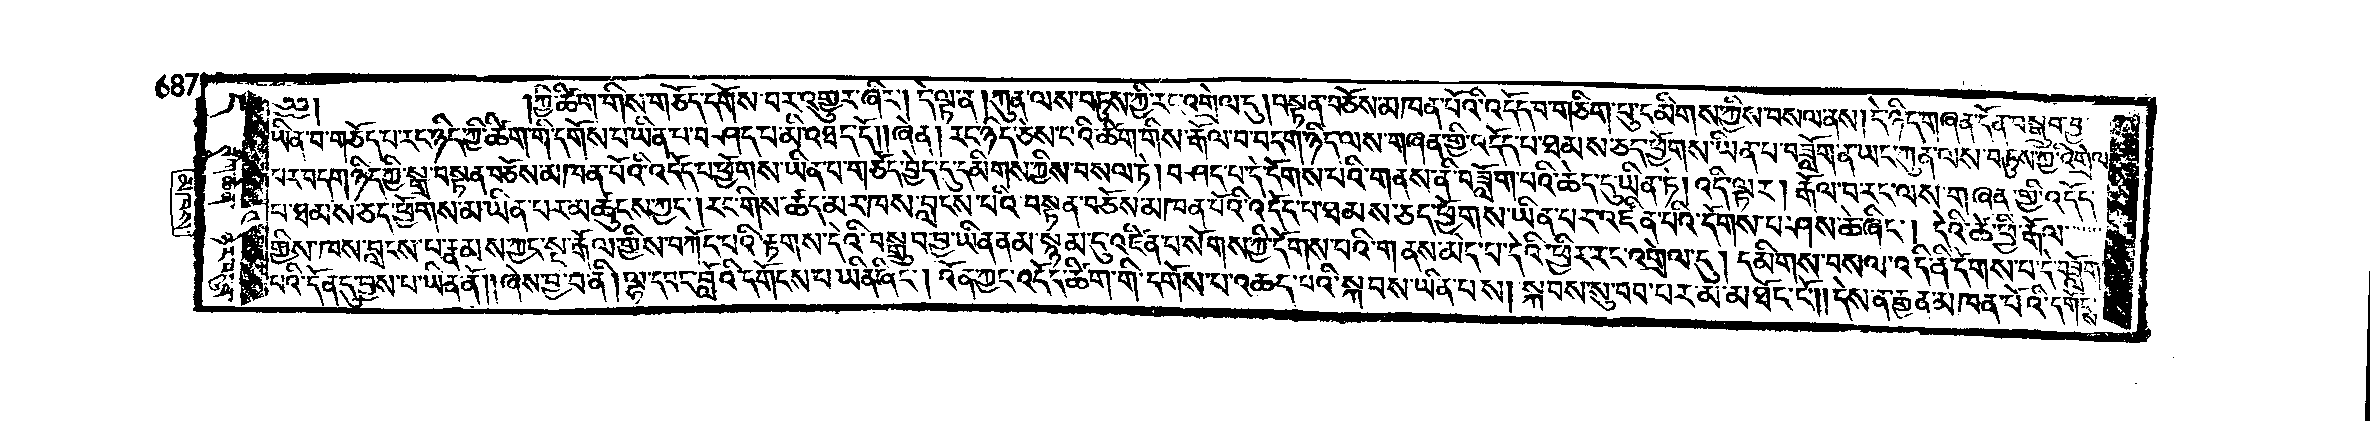༄༅། །ཀྱི་ཚིག་གིས་གཅོད་དགོས་པར་འགྱུར་ཞིང་། དེ་ལྟ་ན། ཀུན་ལས་བཏུས་ཀྱི་རང་འགྲེལ་དུ། བསྟན་བཅོས་མཁན་པོའི་འདོད་པ་གཅིག་པུ་དམིགས་ཀྱིས་བསལ་ནས། དེ་ཉིད་གཞན་དོན་བསྒྲུབ་བྱ་
ཡིན་པ་གཅོད་པ་རང་ཉིད་ཀྱི་ཚིག་གི་དགོས་པ་ཡིན་པ་བཤད་པ་མི་འཐད་དོ། །ཞེ་ན། རང་ཉིད་ཅེས་པའི་ཚིག་གིས་རྒོལ་བ་བདག་ཉིད་ལས་གཞན་གྱི་འདོད་པ་ཐམས་ཅད་ཕྱོགས་ཡིན་པ་བཟློག་ན་ཡང་ཀུན་ལས་བཏུས་ཀྱི་འགྲེལ་
པར་བདག་ཉིད་ཀྱི་སྒྲ་བསྟན་བཅོས་མཁན་པོའི་འདོད་པ་ཕྱོགས་ཡིན་པ་གཅོད་བྱེད་དུ་དམིགས་ཀྱིས་བསལ་ཏེ། བཤད་པ་དེ་དོགས་པའི་གནས་ནི་བཟློག་པའི་ཆེད་དུ་ཡིན་ཏེ། འདི་ལྟར། རྒོལ་བ་རང་ལས་གཞན་གྱི་འདོད་
པ་ཐམས་ཅད་ཕྱོགས་མ་ཡིན་པར་མཚུངས་ཀྱང་། རང་གིས་ཚད་མར་ཁས་བླངས་པའི་བསྟན་བཅོས་མཁན་པོའི་འདོད་པ་ཐམས་ཅད་ཕྱོགས་ཡིན་པར་འཛིན་པའི་དོགས་པ་ཤས་ཆེ་ཞིང་། དེའི་ཚེ་ཕྱི་རྒོལ་
གྱིས་ཁས་བླངས་པ་རྣམས་ཀྱང་སྔ་རྒོལ་གྱིས་བཀོད་པའི་རྟགས་དེའི་བསྒྲུབ་བྱ་ཡིན་ནམ་སྙམ་དུ་འཛིན་པ་སོགས་ཀྱི་དོགས་པའི་གནས་མེད་པ་དེའི་ཕྱིར་རང་འགྲེལ་དུ། དམིགས་བསལ་འདི་ནི་དོགས་པ་དེ་བཟློག་
པའི་དོན་དུ་བྱས་པ་ཡིན་ནོ། །ཞེས་བྱ་བ་ནི། ལྷ་དབང་བློའི་དགོངས་པ་ཡིན་ཞིང་། འོན་ཀྱང་འདོད་ཚིག་གི་དགོས་པ་འཆད་པའི་སྐབས་ཡིན་པས། སྐབས་སུ་བབ་པར་མ་མཐོང་ངོ། །དེས་ན་རྒྱན་མཁན་པོའི་དགོངས་